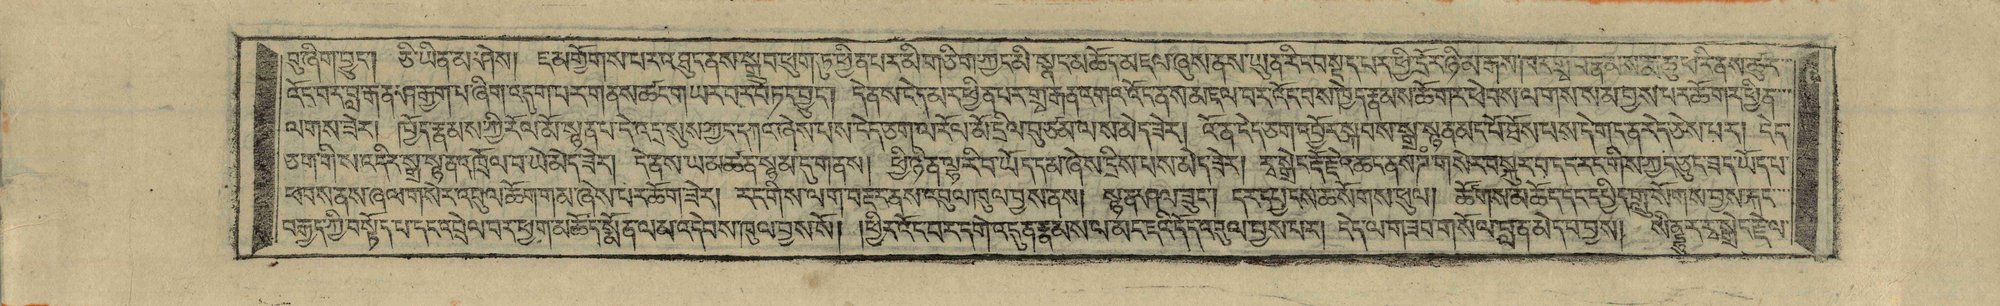བུ་ཞིག་བྱུང་། ཅི་ཡིན་མ་ཤེས། ཇ་མགྱོགས་པར་འཐུང་ནས་སྒྲུབ་ཕུག་ཏུ་ཕྱིན་པར་མི་གཅིག་ཀྱང་མི་སྣང་མཆོད་མཇལ་ཞུས་ནས་ཡུན་རིང་བསྡད་པར་ཕྱི་དྲོར་ཉི་མ་རྒས་ཁར་གྲྭ་བ་རྣམས་རྨ་ཆུ་ཕ་རི་ནས་ཚུར་
འོང་བར་བླ་རྒན་ཤ་རྒྱག་པ་ཞིག་འདུག་པར་གནས་ཚང་གཡར་བར་བཏང་བྱུང་། དེ་ནས་ངེད་མར་ཕྱིན་པར་གྲྭ་རྒན་འགའ་འོང་ནས་མཇལ་བར་འོང་བས་ཁྱེད་རྣམས་ཆོ་གར་ཕེབས་ལགས་སམ་བྱས་པར་ཆོ་གར་ཕྱིན་
ལགས་ཟེར། ཁྱོད་རྣམས་ཀྱི་རོལ་མོ་སྙན་པ་དེ་འདྲ་སུས་ཀྱང་དཀའ་ཞེས་པས་ངེད་ཅག་ལ་རོལ་མོ་དྲིལ་བུ་ཙམ་ལས་མེད་ཟེར། འོ་ན་ངེད་ཅག་འབྱོར་སྐབས་སྒྲ་སྙན་མང་པོ་ཐོས་པས་དེ་གང་ན་རེད་ཅེས་པར། ངེད་
ཅག་གི་ས་འདིར་སྒྲ་སྙན་འཁྲོལ་བ་ཡེ་མེད་ཟེར། དེ་ནས་ཡ་མཚན་སྙམ་དུ་གནས། ཕྱི་ཉིན་ལྷ་རི་བ་ཡོད་དམ་ཞེས་དྲིས་པས་མེད་ཟེར། རྭ་སྒྲེང་རྡོ་རྗེ་འཆང་ནས་ཌཾ་གསེར་བསྐུར་བ་དང་རང་གིས་ཀྱང་ཅུང་ཟད་ཡོད་པ་
ཕབས་ནས་ཞལ་གསེར་འབུལ་ཆོག་གམ་ཞེས་པར་ཆོག་ཟེར། རང་གིས་ལག་བརྡར་ནས་འབུལ་ཁུལ་བྱས་ནས། སྙན་ཤལ་ཟུང་། དར་དཔྱངས་ཆ་སོགས་ཕུལ། ཚོགས་མཆོད་དང་དཔྱིད་གླུ་སོགས་བྱས་རྐང་
བརྒྱད་ཀྱི་བསྟོད་པ་དང་འབྲེལ་བར་ཕྱག་མཆོད་སྨོན་ལམ་འདེབས་ཁུལ་བྱས་སོ། །ཕྱིར་འོང་བར་དགེ་འདུན་རྣམས་ལ་མང་ཇའི་དོད་འབུལ་བྱས་པར། ངེད་ལ་གཟབ་གསོལ་བླ་ན་མེད་པ་བྱས། སིནྡྷུར་རྭ་སྒྲེང་རྗེ་ལ་